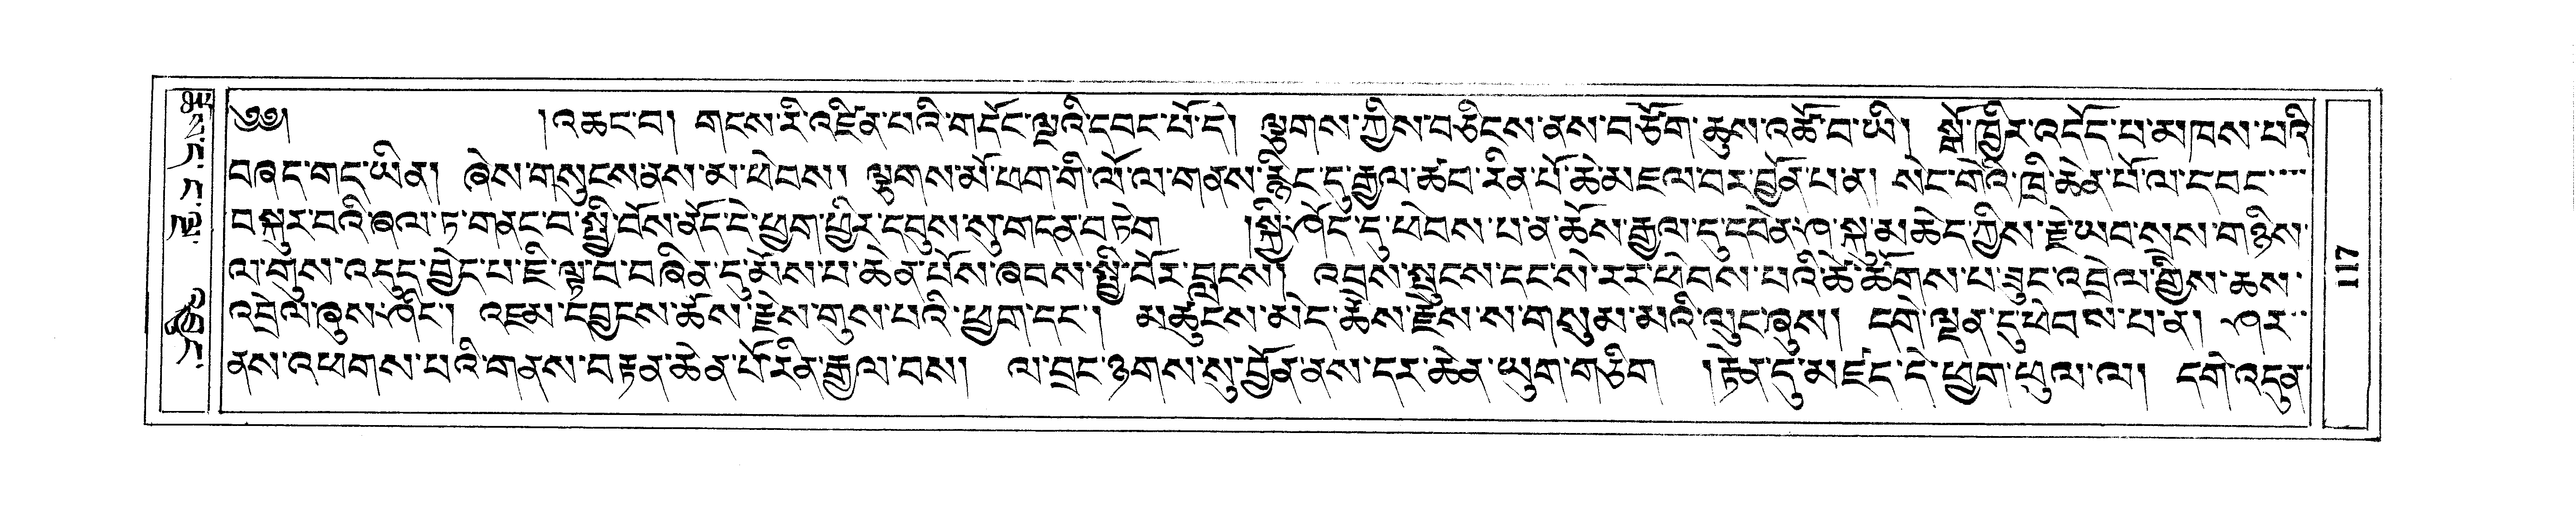༄༅། །འཆང་བ། གསང་རི་འཛིན་པའི་གདོང་ལྔའི་དབང་པོ་དེ། ལྕགས་ཀྱིས་བཅིངས་ནས་བཙོག་ཆུས་འཚོ་བ་ཡི། སྒོ་ཁྱིར་འདོད་པ་མཁས་པའི་
བཞད་གང་ཡིན། ཞེས་གསུངས་ནས་མ་ཕེབས། ལྕགས་མོ་ཕག་གི་ལོ་ལ་གནས་རྙིང་དུ་རྒྱལ་ཚབ་རིན་པོ་ཆེ་མཇལ་བར་བྱོན་པ་ན། སེང་གེའི་ཁྲི་ཆེན་པོ་ལ་དབང་
བསྐུར་བའི་ཞལ་ཏ་གནང་བ་སྤྱི་བོས་ནོད་དེ་ཕྱག་ཕྱིར་དབུས་སུ་གདན་བཏེག །སྐྱེ་ཤོད་དུ་ཕེབས་པ་ན་ཆོས་རྒྱལ་དུ་དབེན་ཤ་སྐུ་མཆེད་ཀྱིས་རྗེ་ཡབ་སྲས་གཉིས་
ལ་གུས་འདུད་བྱེད་པ་ཇི་ལྟ་བ་བཞིན་དུ་མོས་པ་ཆེན་པོས་ཞབས་སྤྱི་བོར་བླངས། འབྲས་སྤུངས་དང་སེ་རར་ཕེབས་པའི་ཚེ་ཚོགས་པ་ཟུང་འབྲེལ་གྱིས་ཆས་
འབྲེལ་ཞུས་ཤིང་། འཇམ་དབྱངས་ཆོས་རྗེས་གུས་པའི་ཕྱག་དང་། མཚུངས་མེད་ཆོས་རྗེས་སུ་གསུམ་མའི་ལུང་ཞུས། དགེ་ལྡན་དུ་ཕེབས་པ་ན། ཤར་
ནས་འཕགས་པའི་གནས་བརྟན་ཆེན་པོ་རིན་རྒྱལ་བས། ལ་བྲང་ཉགས་སུ་བྱོན་ནས་དར་ཆེན་ཡུག་གཅིག །རྟེན་དུ་མཛད་དེ་ཕྱག་ཕུལ་ལ། དགེ་འདུན་